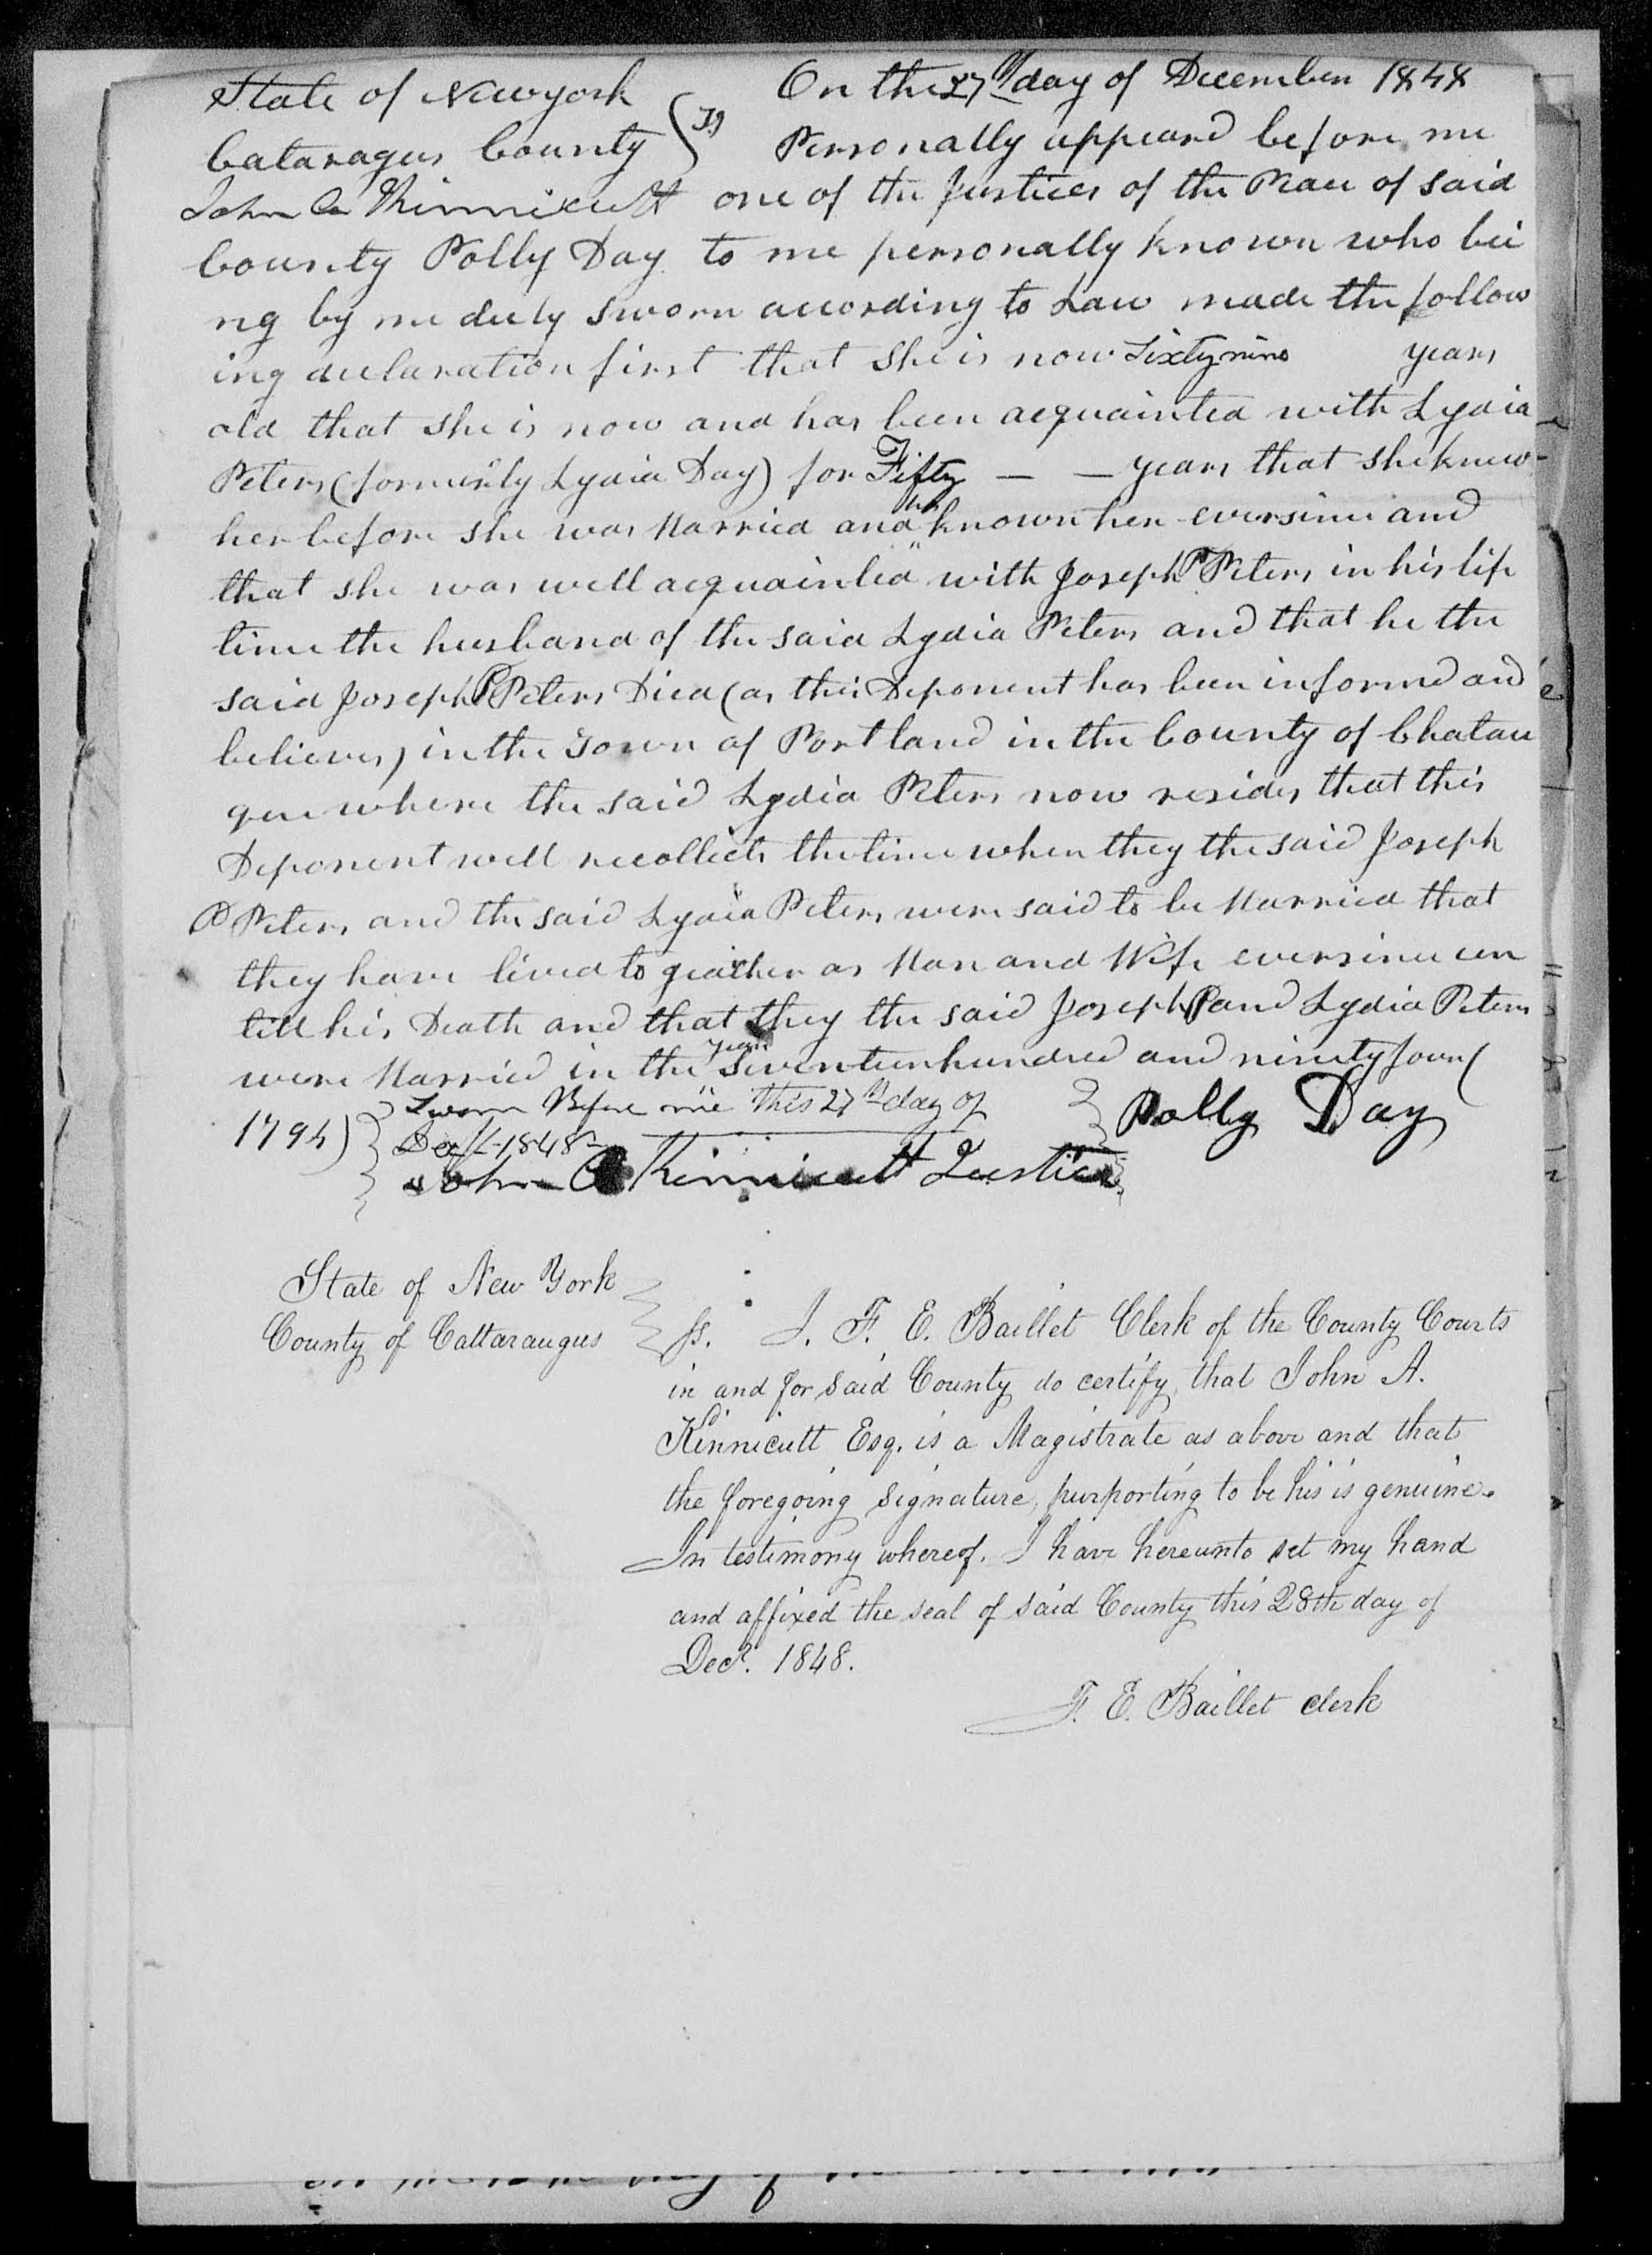State of New York 
Cattaraugus County }  On the 27th day of December 1848 Personally appeared before me John A Kinnicutt one of the Justices of the Peace of said County Polly Day to me personally known who being by me duly sworn according to Law made the following declaration first that she is now Sixty nine years old that she is now and has been acquainted with Lydia Peters (formerly Lydia Day) for Fifty years that she knew her before she was married and known her ever since and that she was well acquainted with Joseph P Peters in his life time the husband of the said Lydia Peters and that he the said Joseph P Peters Died (as this deponent has been informed and believes) in the Town of Portland in the County of Chautauqua where the said Lydia Peters now resides that this Deponent well recollects the time when they the said Joseph P Peters, and the said Lydia Peters were said to be married that they have lived together as man and wife ever since till his death and that they the said Joseph and Lydia Peters were Married in the year seventeen hundred and ninety four (1794)
Polly Day
Sworn Before me this 27th day of Decr 1848
John A. Kinnicutt Justice
State of New York County of Cattaraugus } ss I F. E. Baillet Clerk of the County Courts in and for said County do certify that John A. Kinnicutt Esq. is a Magistrate as above and that the foregoing signature, purporting to be his is genuine. In testimony whereof, I have hereunto set my hand and affixed the seal of said County this 28th day of Decr 1848. 
F.E. Baillet Clerk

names: Lydia Day; F E Baillet; Polly Day; Lydia Peters; John A Kinnicutt; Joseph P Peters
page: 59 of 73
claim: widow's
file: W. 2338, for Joseph P Peters, Connecticut